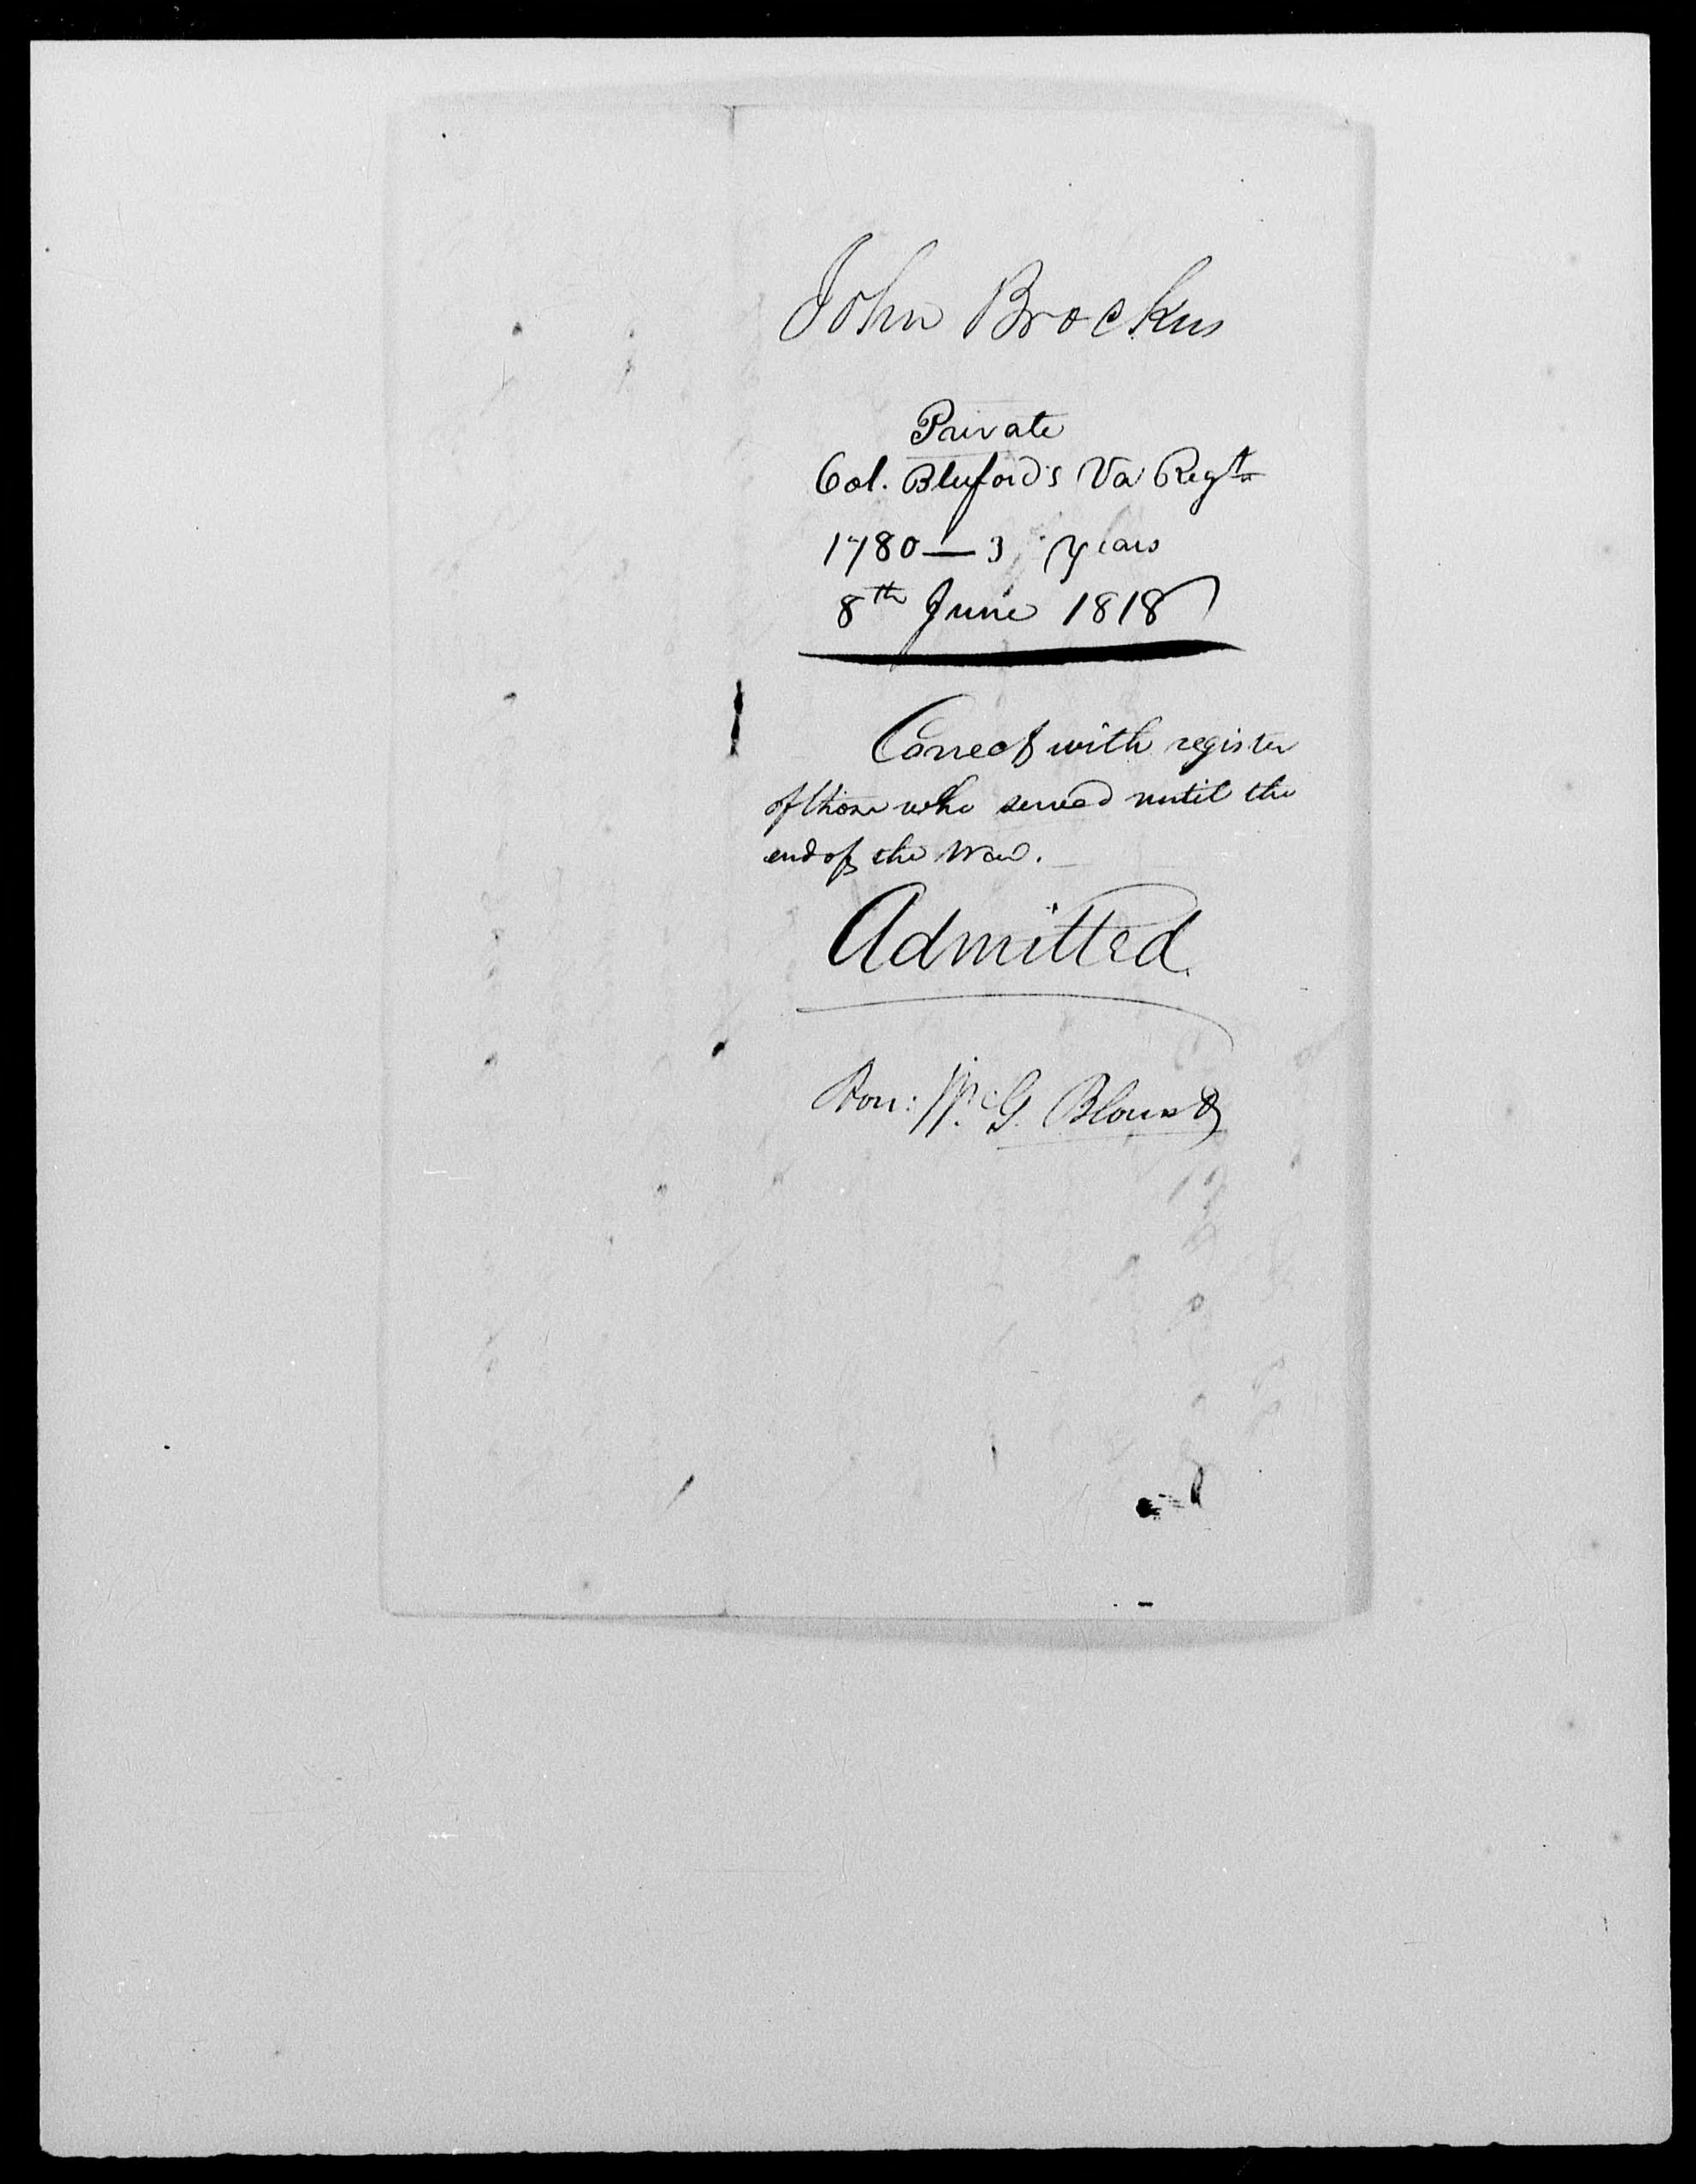John Brockus
Private
Col. Blufords Vabregth
1480 - 3 years
8th June 1818
Conect with register of those who served until the end of the war.
Admitted
For: W.G. Blount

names: John Brockus, W G Blount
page: 3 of 19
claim: survivor's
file: S. 39,224, John Brockus, Va.